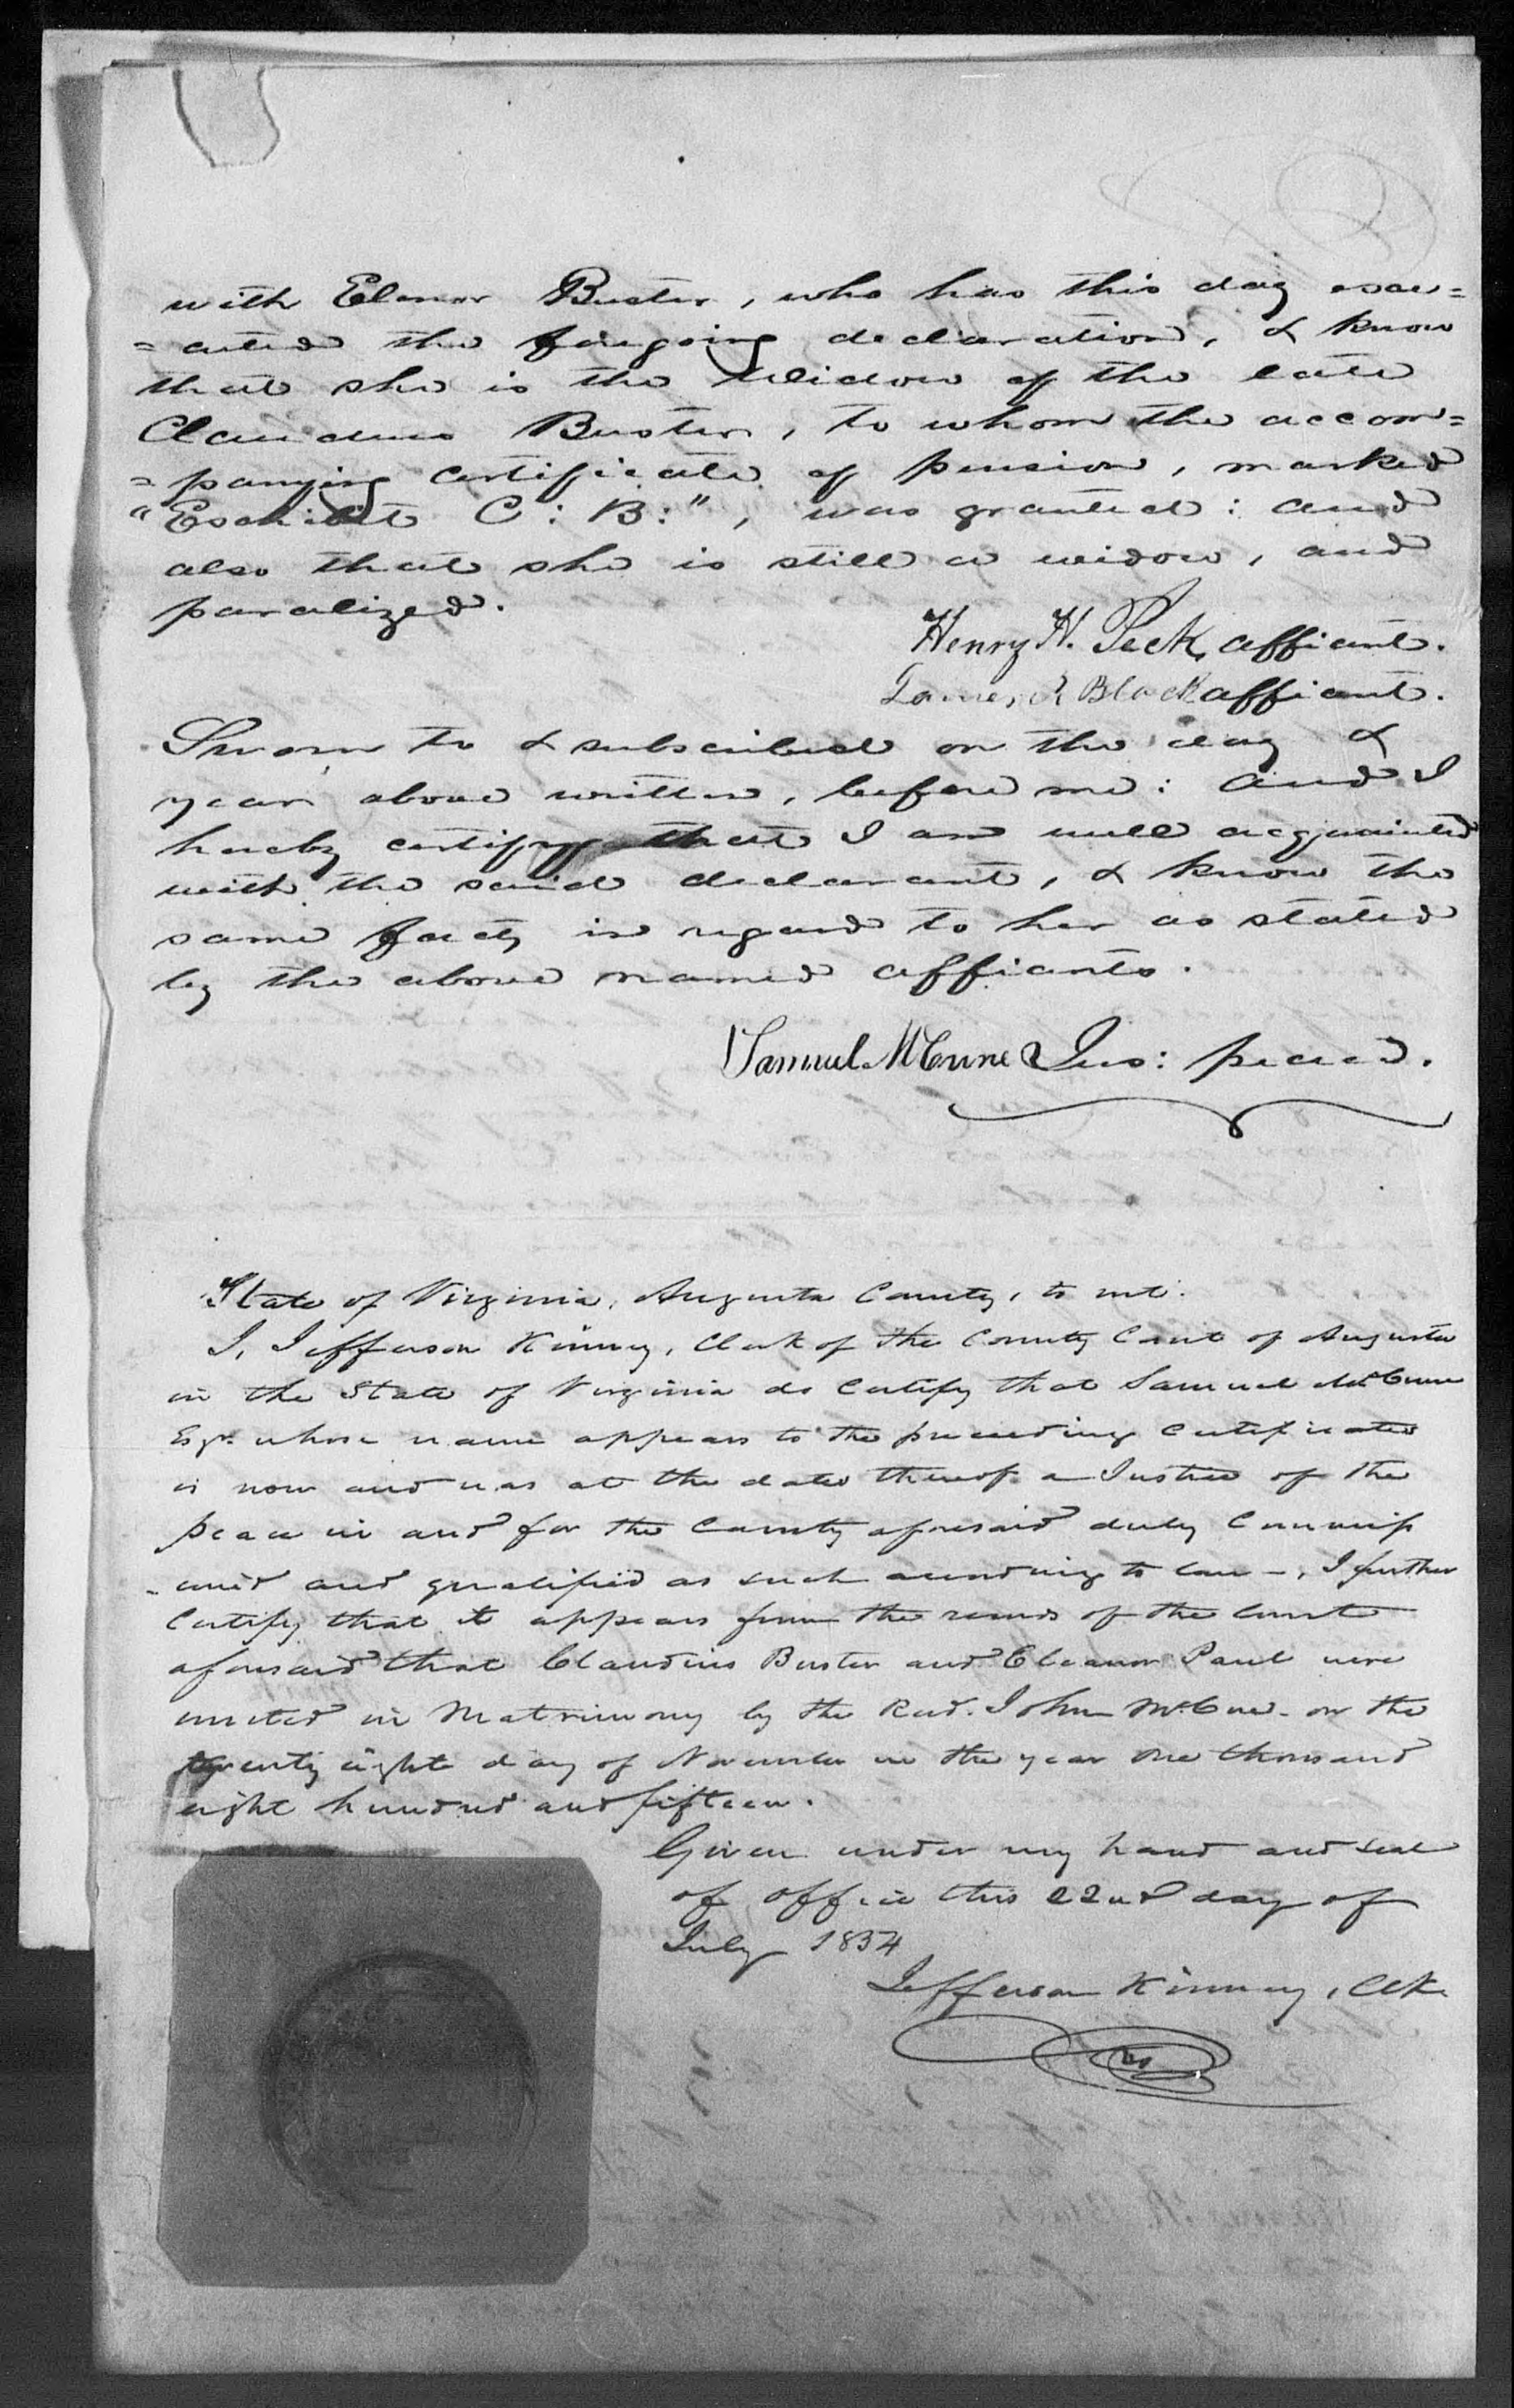with Elenor Buster, who has this day [illegible] the foregoing declaration, & know that she is the widow of the late Claudius Buster, to whom the accompanying certificate of pension, marked "Exhibit C : B", was granted: and also that she is still a widow, and paralized. (sic)
Henry H. Peck affiant.
James R Black affiant.

Sworn to & subscribed on the day & year above written, before me: and I hereby certify that I am well acquainted with the said declarant, & know the same facts in regard to her as stated by the above named affiants.
Samuel McCune Jus: peace.

State of Virginia, Augusta County, to wit:

I, Jefferson Kinney, clerk of the county court of Augusta in the state of Virginia do certify that Samuel McCune Eqr whose name appears to the preceeding certificate is now and was at the date thereof a Justice of the peace in and for the county aforesaid duly commissioned and qualified as such according to law_, I further certify that it appears from the record of the court aforesaid that Claudius Buster and Eleanor Paul were united in matrimony by the Rev. John McCue on the twenty eight(sic) day of November in the year one thousand eight hundred and fifteen.

Given under my hand and seal of office the 22nd day of July 1854
Jefferson Kinney, clk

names: Claudius Buster, Elenor Buster, Samuel Mc Cune, Eleanor Paul, Jefferson Kinney, Samuel Mc Cune, John Mc Cue, James R Black, Claudius Buster, Jefferson Kinney, Henry H Peck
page: 10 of 71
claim: widow's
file: W. 25310, Claudius Buster, Va.